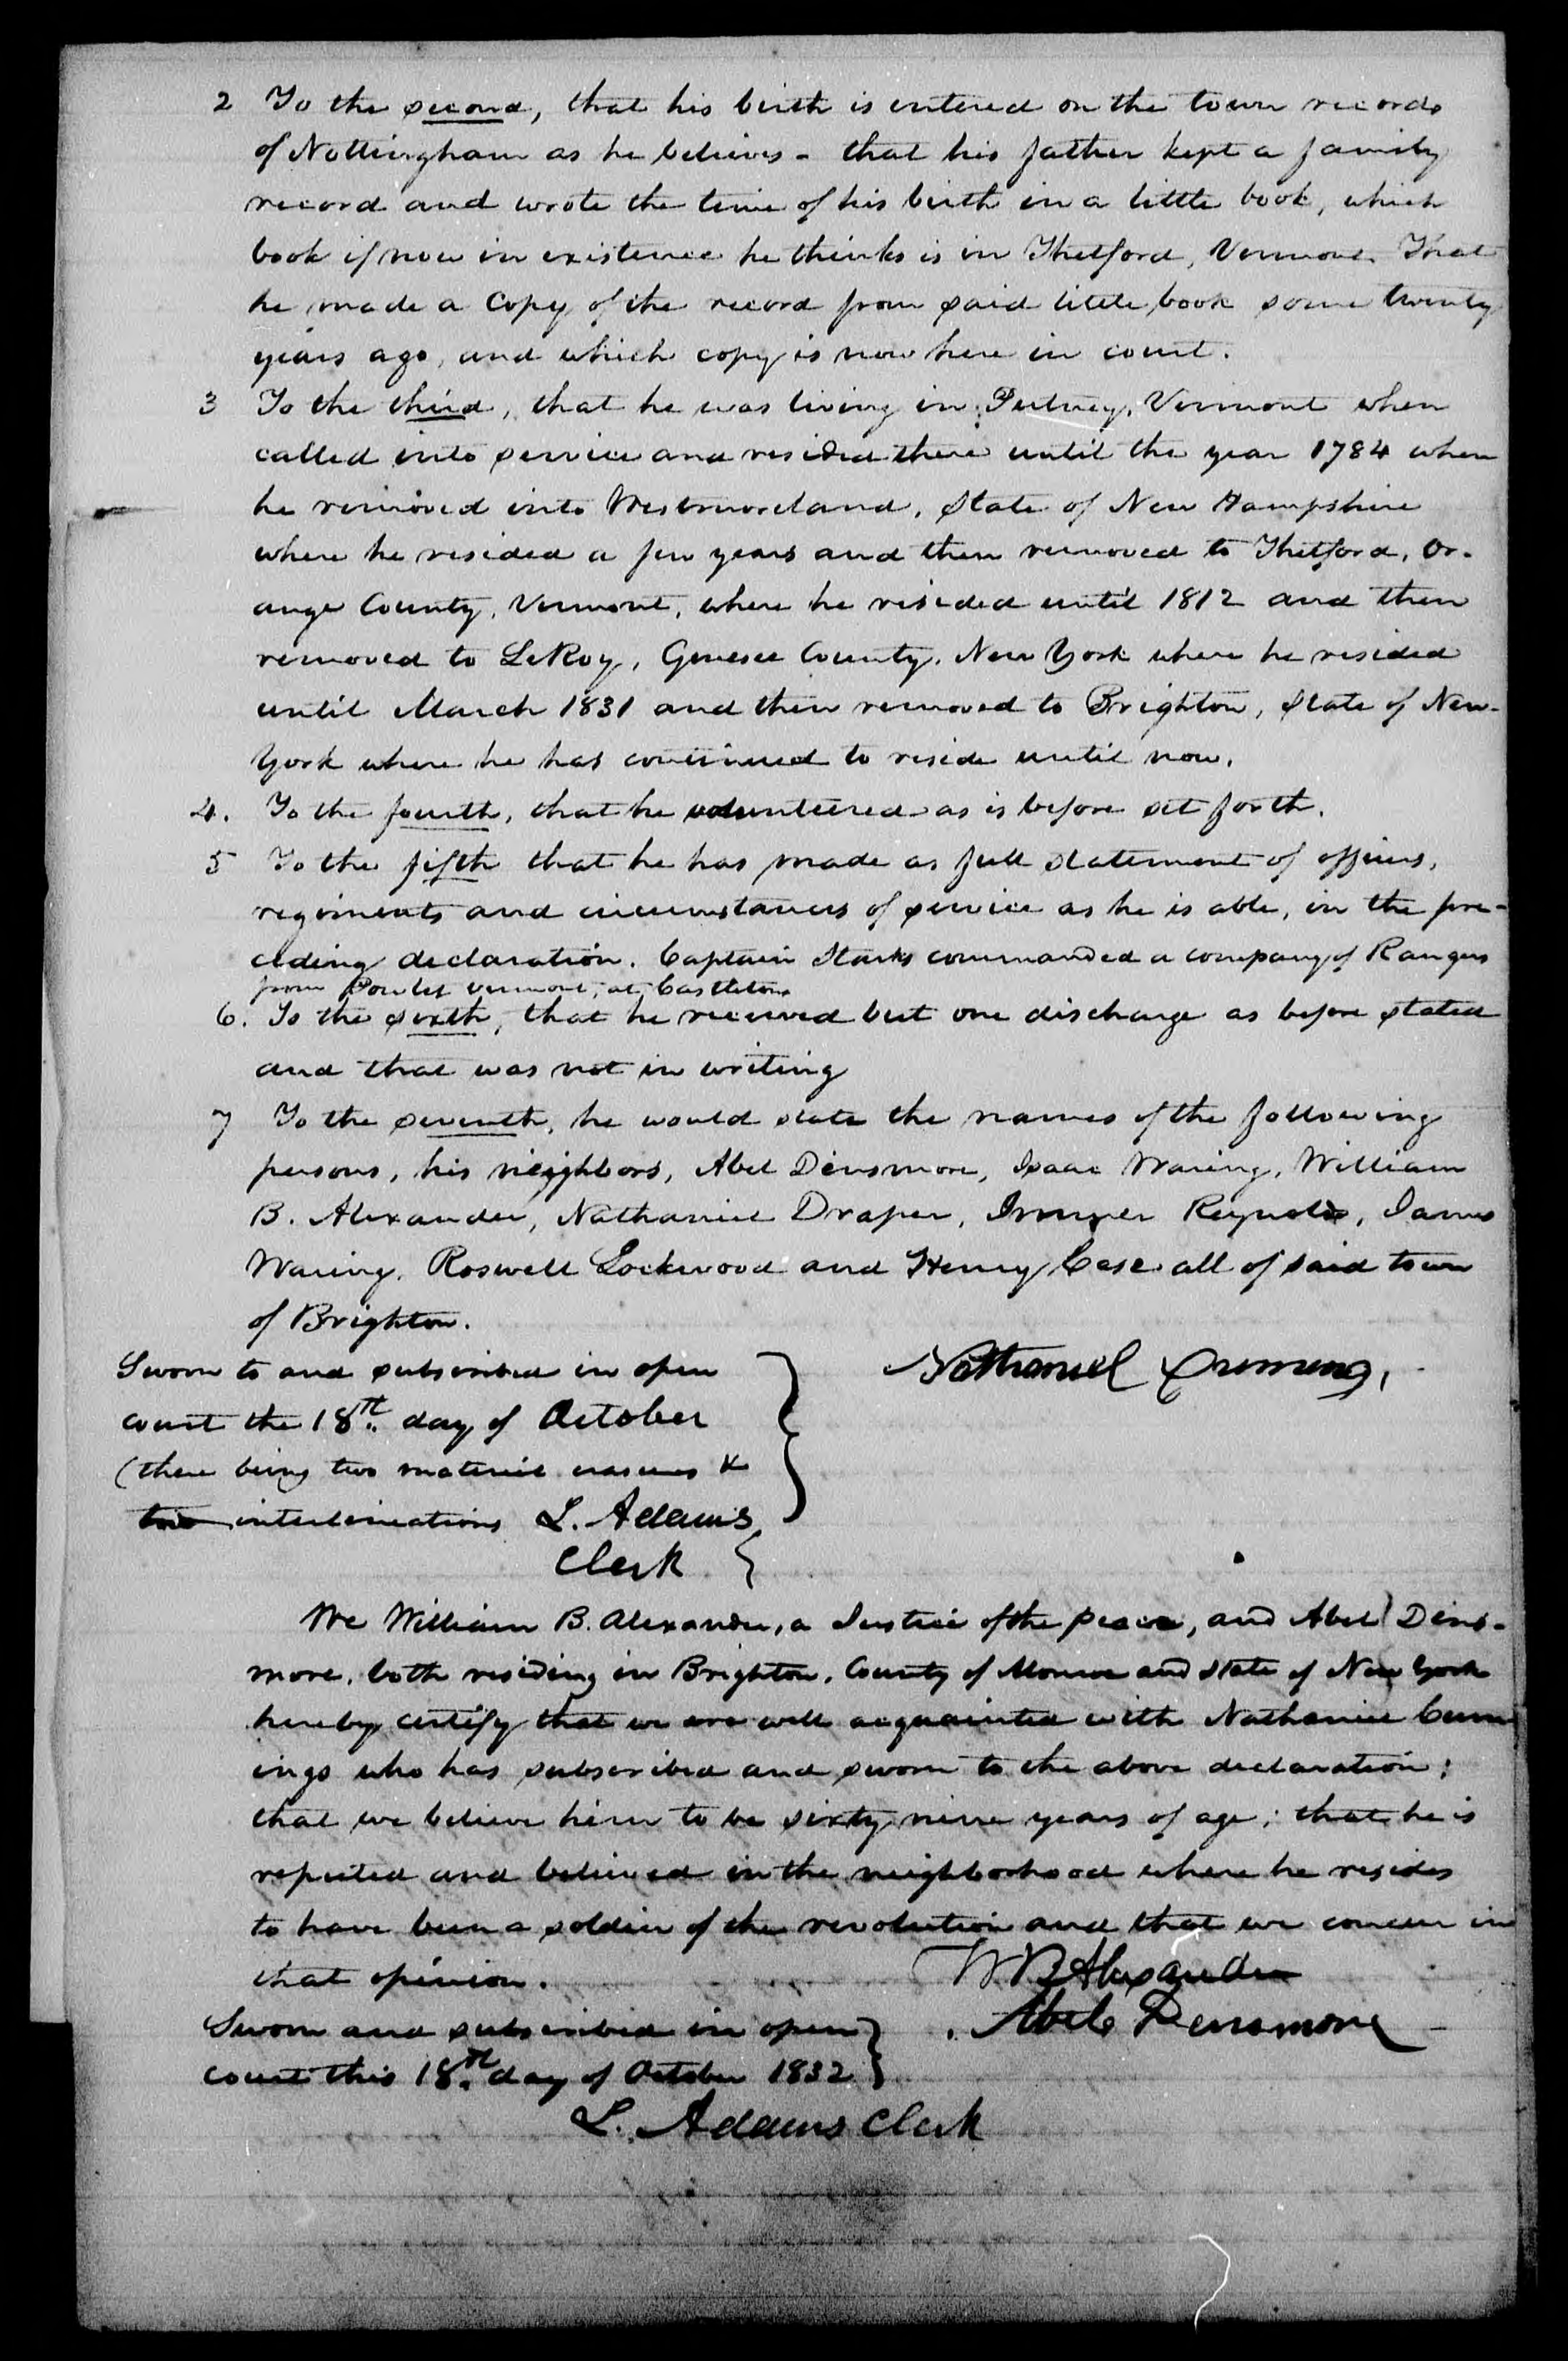2 To the second, that his birth is entered on the town records
of Nottingham as he believes, that his father kept a family
record and wrote the time of his birth in a little book, which
book if now in existence he thinks is in Thetford, Vermont. That
he made a copy of the record from said little book some twenty
years ago, and which copy is now here in court.
3 To the third, that he was living in Putney, Vermont when
called into service and resided there until the year 1784 when 
he removed into Westmoreland, State of New Hampshire
where he resided a few years and then removed to Thetford, Orange 
County, Vermont, where he resided until 1812 and then
removed to LeRoy, Genesee County, New York where he resided
until March 1831 and their removed to Brighton, State of New York
where he has continued to reside until now
4. To the fourth, that he volunteered as is before set forth
5 To the fifth that he has made a full statement of officers
regiments and Circumstances of service as he is able, in the preceeding
declaration. Captain Starks commanded a company of Rangers
from Powles Vermont, at Castleton
6. To the sixth, that he received but one discharge as before stated
and that was not in writing
7 To the seventh, he would state the names of the following
persons, his neighbors, Abel Dinsmore, Isaac Waring, William
B. Alexander, Nathaniel Draper, Imer Reynolds, James
Waring, Roswell Lockwood and Henry Case all of said town of
Brighton.
Nathaniel Cuming,
Sworn to and subscribed in open
Court the 18th day of October
(there being two materials &
two interlineations L. Adams
Clerk

We William B. Alexander, a Justice of the peace, and Abel 
Dinsmore, both residing in Brighton, County of Monroe and State of New York
hereby certify that we are well acquainted with Nathaniel Cummings
who has subscribed and sworn to the above declaration:
that we believe him to be sixty nine years of age; that he is
reputed and believed in the neighborhood where he resides
to have been a soldier of the revolution and that we concur in 
that opinion.
W. Alexander 
Abel Dinsmore
Sworn and subscribed in open
Court this 18th day of October 1832

L. Adams Clerk
===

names: James Waring, William B Alexander, William B Alexander, Henry Cese, Nathaniel Cumings, Nathaniel Cuming, L Adams, Starks, Immer Reynolds, Nathaniel Draper, Abel Densmore, L Adams, Roswell Lockwood, W B Alexander, Abel Densmore, Abel Densmore, Isaac Waring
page: 7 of 41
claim: widow's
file: W. 9819, Nathaniel Cumings, Vt.